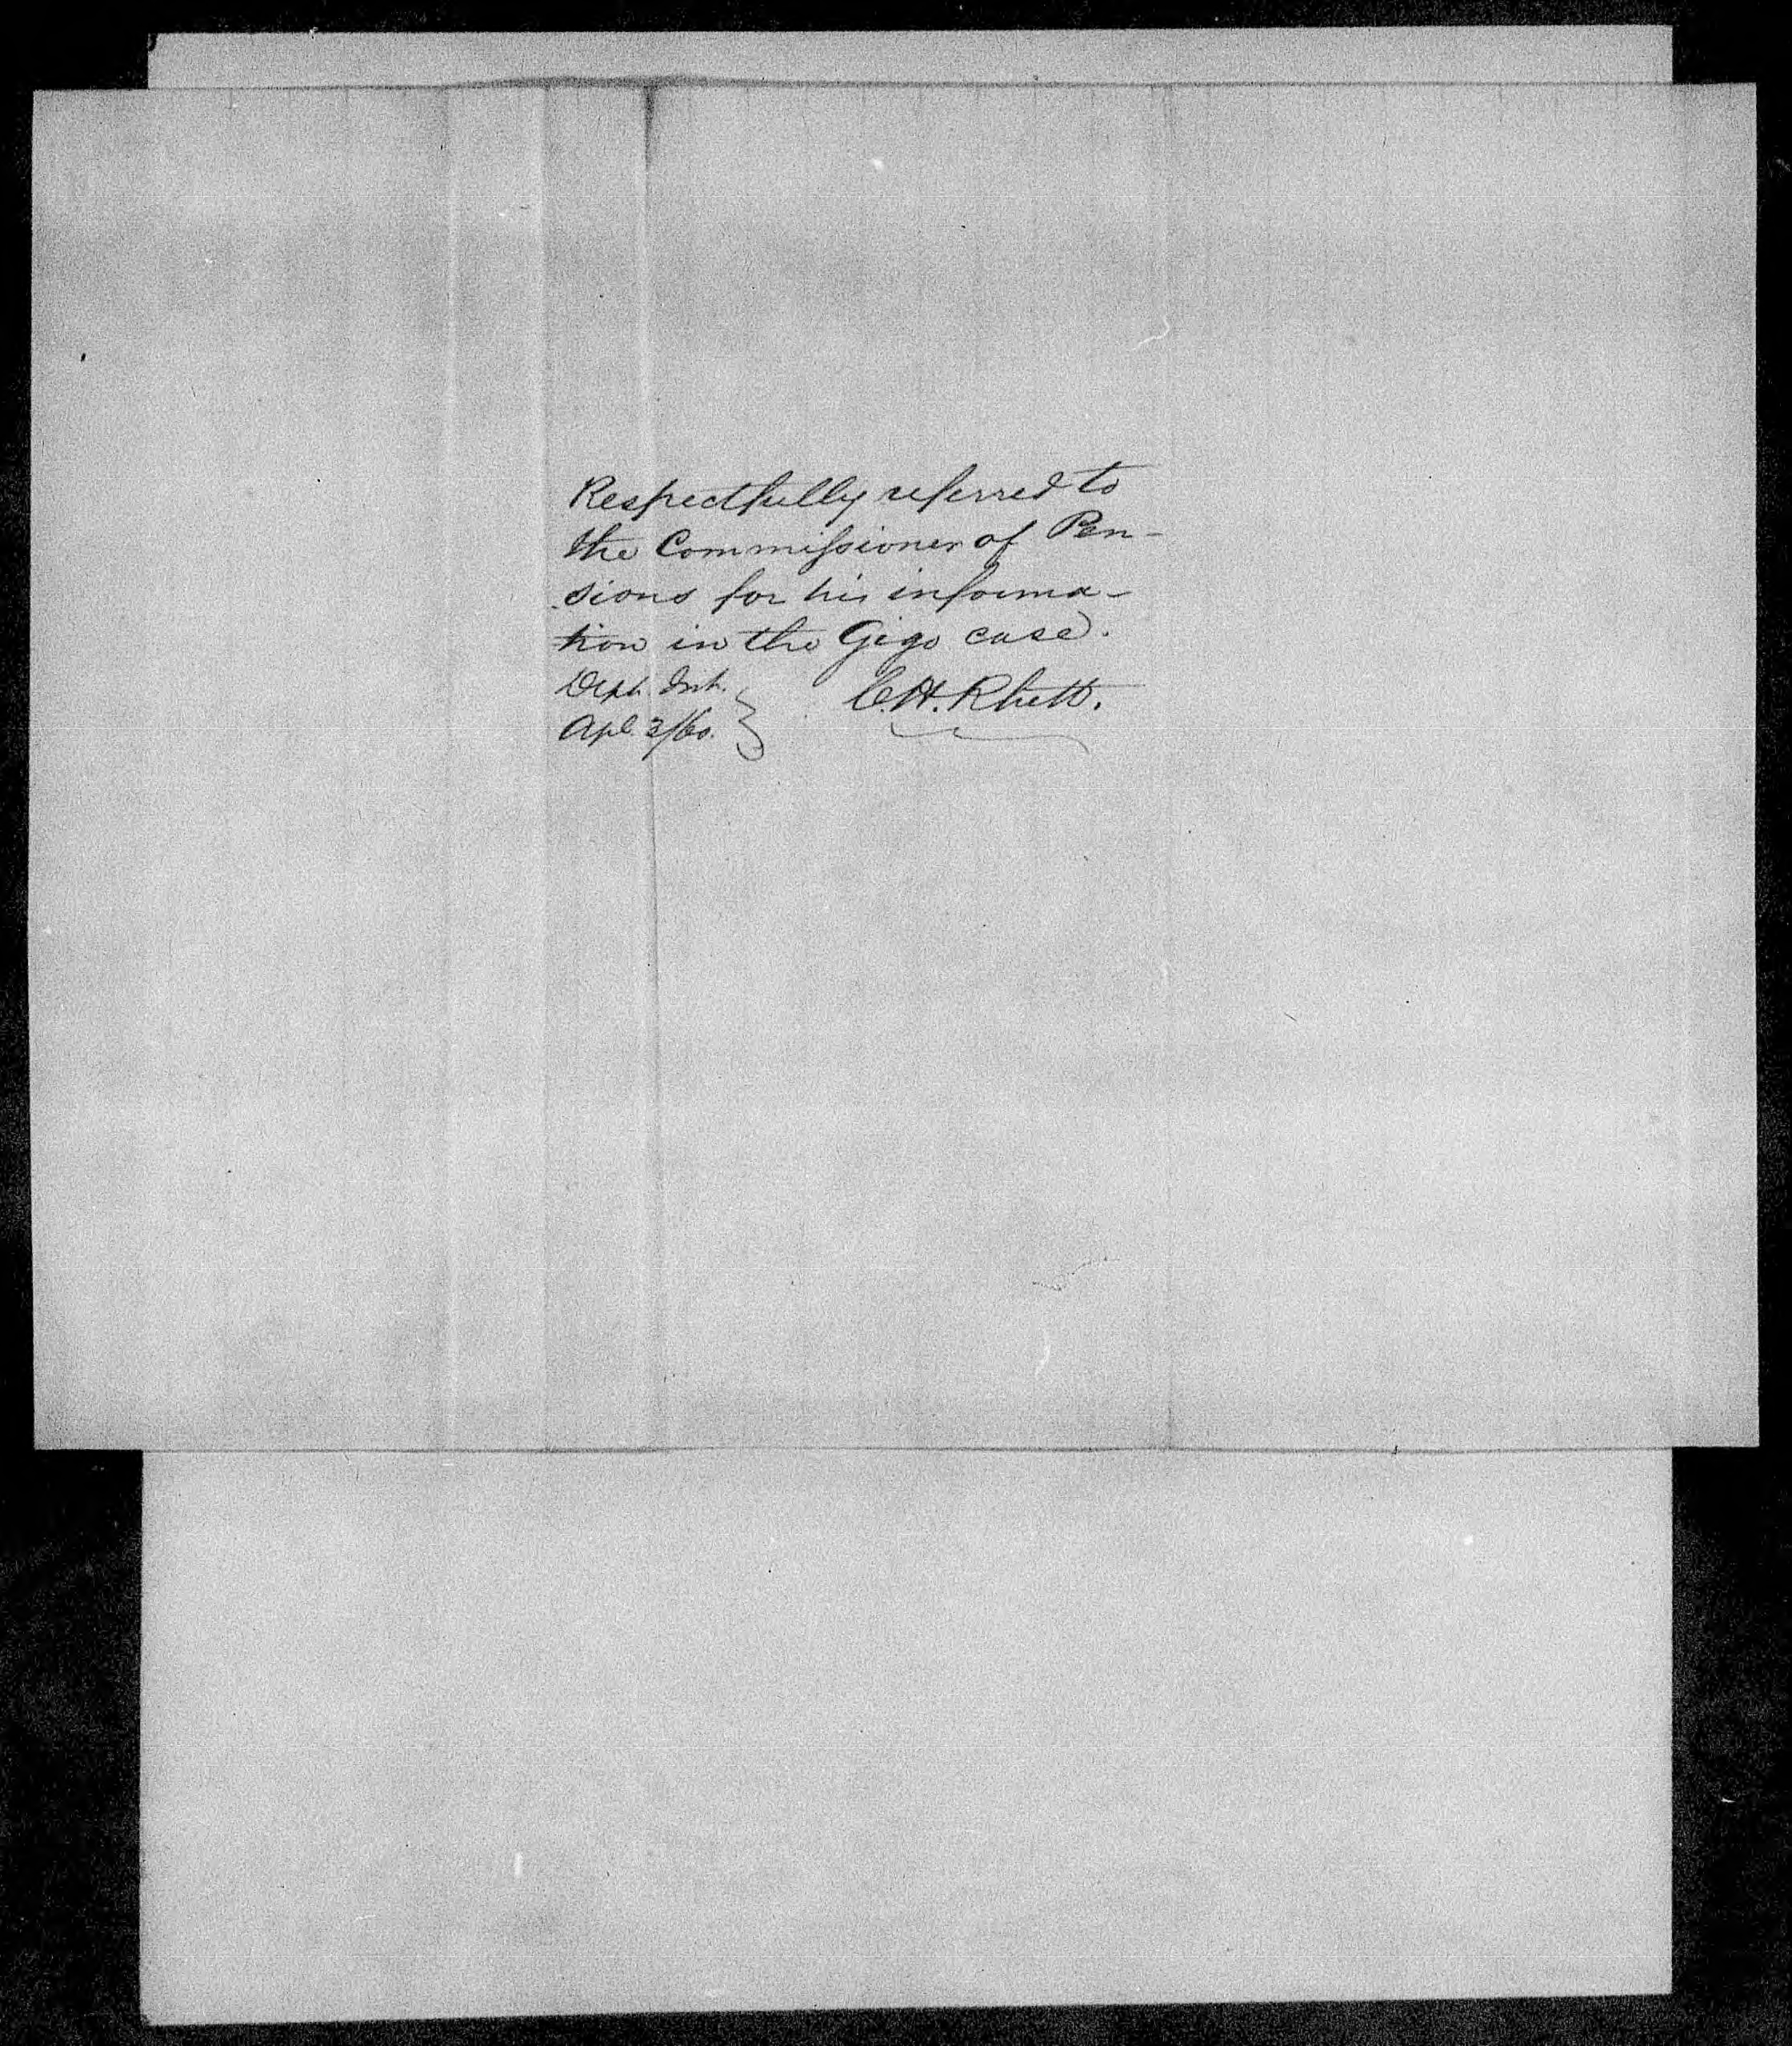Respectfully referred to the Commissioner of Pensions for his information in the Gigo case.
C H Rhett
Dept Int.
Apl 3/60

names: C H Rhett, Gigo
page: 87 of 98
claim: widow's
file: W. 21182, Francis Gigo, Continental (Canadian)